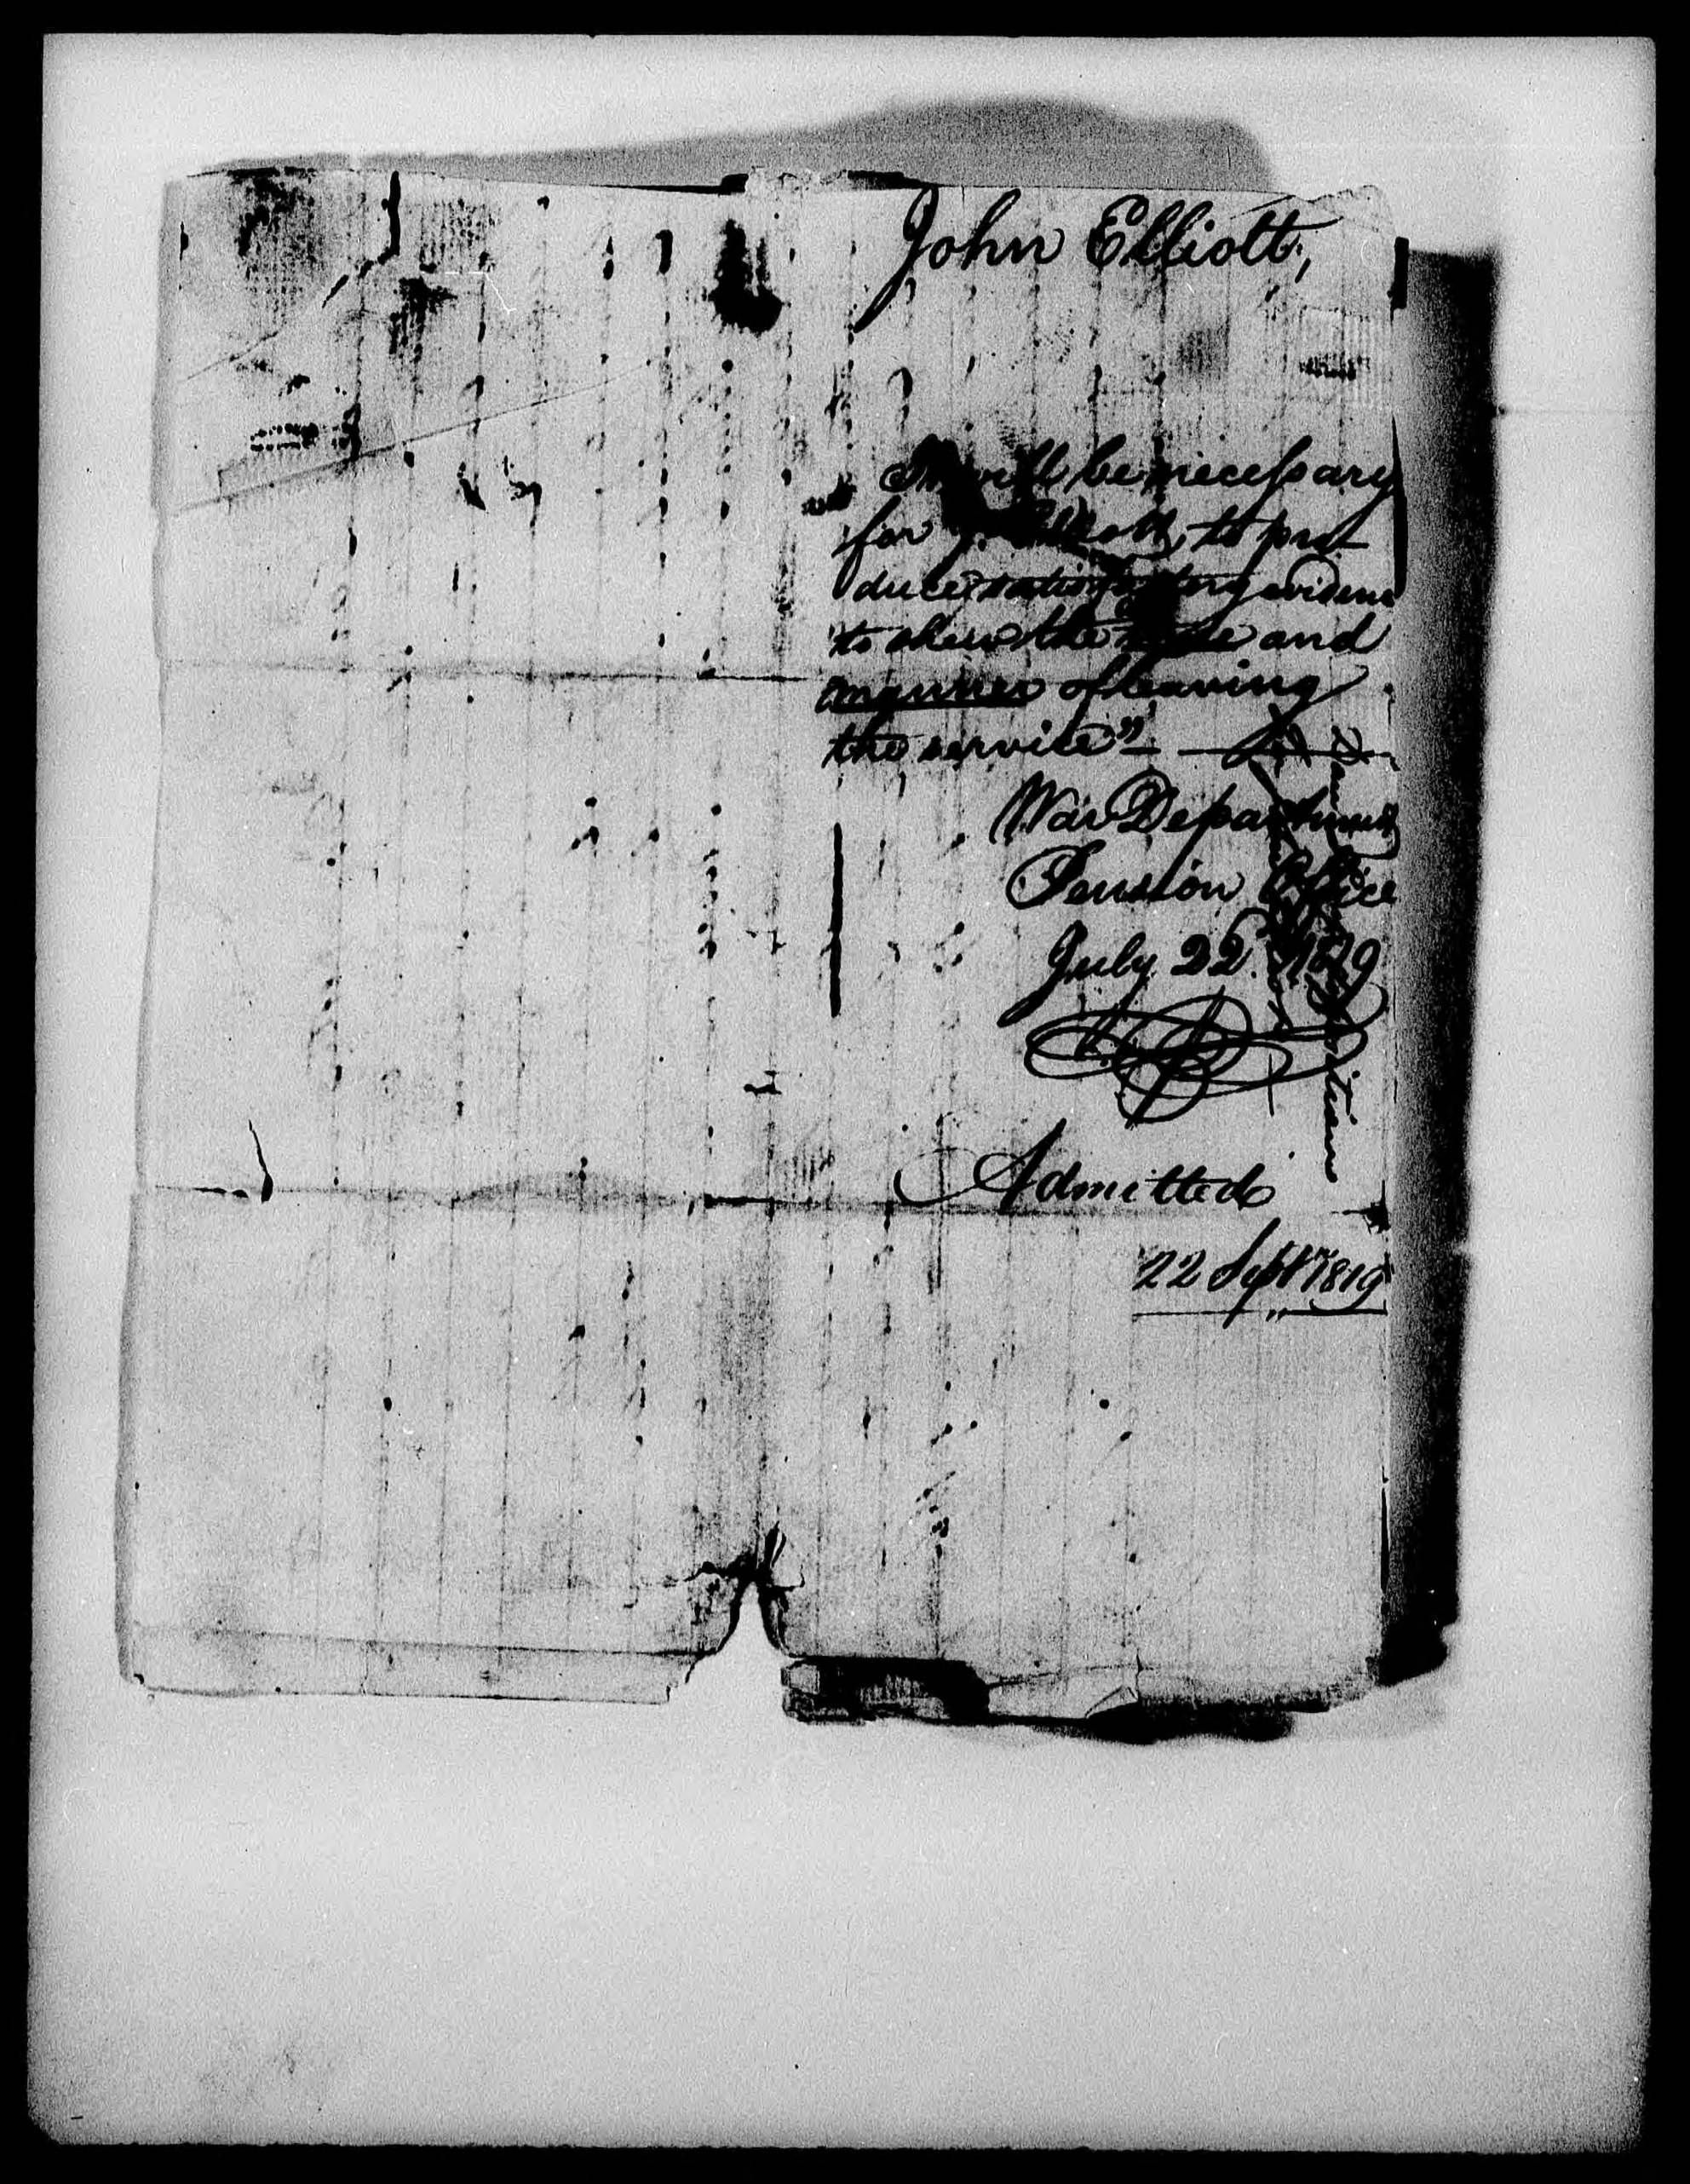John Elliott
[illegible] Act of Congress any for 
[illegible] produce  [illegible] evidence to
[illegible] and 
[illegible]
War Department
Pension Office
July 22 [llegible]
Admitted
22 Sept 1819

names: J Elliott, John Elliott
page: 36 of 57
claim: widow's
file: W. 16,114, John Elliot, Continental (Mass) N.H.